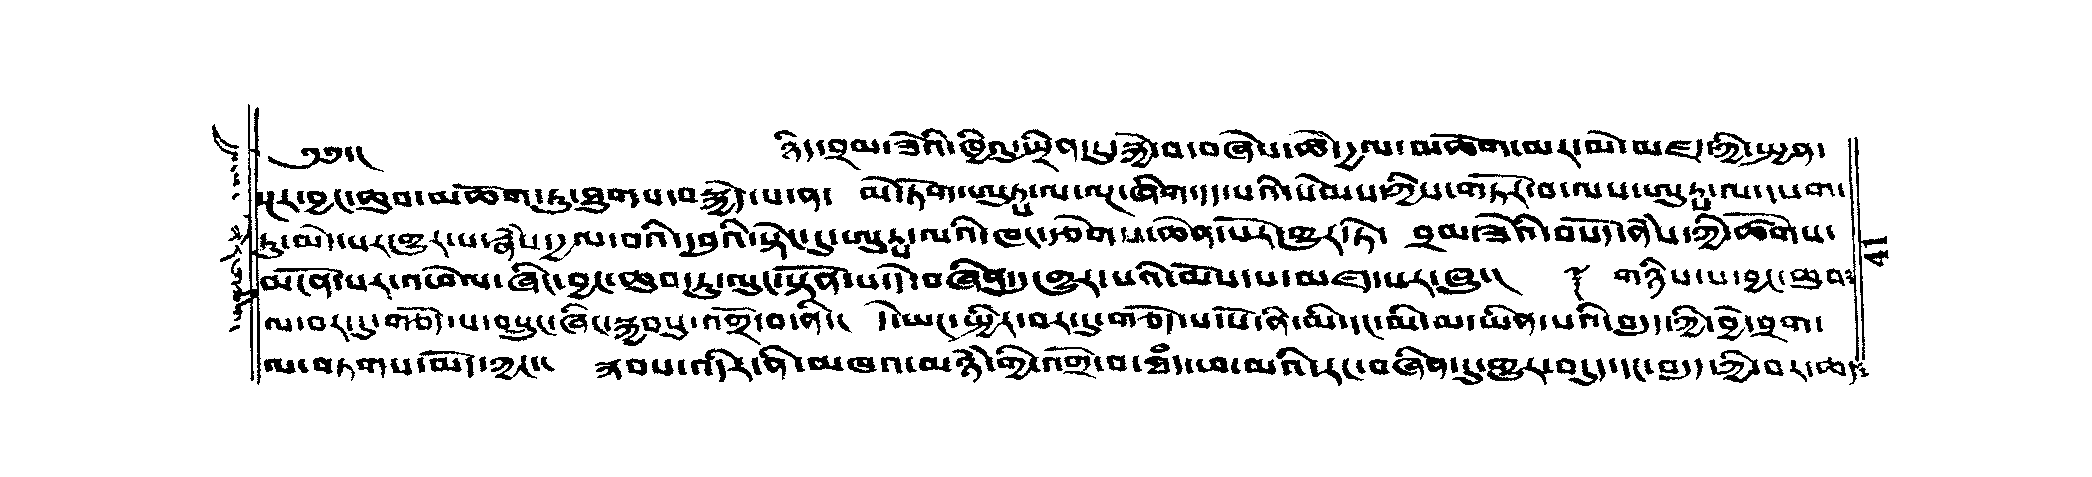ཉིད་བྲམ་ཟེའི་ཁྱིའུ་སྤྲིན་དུ་སྐྱེ་བ་བཞེས་ཚེ་རྒྱལ་མཆོག་མར་མེ་མཛད་ཀྱི་སྤྱན་
སྔར་བྱང་ཆུབ་མཅོག་ཏུ་ཐུགས་བསྐྱེད་པ་ན། མེ་ཏོག་ཨུཏྤ་ལ་ལྔ་ཞིག་དད་པའི་སེམས་ཀྱིས་གཏོར་བ་ལས་ཨུཏྤ་ལ་དཔག་
ཏུ་མེད་པར་གྱུར་པ་རྣམས་རྒྱལ་བའི་དབུའི་སྟེང་དུ་ཨུཏྤ་ལའི་ཁང་རྩེགས་ཆེན་པོར་གྱུར་ཏེ། བྲམ་ཟེའི་བསོད་ནམས་ཀྱི་ཚོགས་
མངོན་པར་འཕེལ་ཞིང་བྱང་ཆུབ་ཏུ་ལུང་སྟོན་པ་དེ་བཞིན་དུ་གྱུར་པའི་མོས་པ་མཛད་པར་ཞུ།༈ གཉིས་པ་བྱང་ཆུབ་
ལ་བར་དུ་གཅོད་པ་བསྲུང་ཞིང་སྐྱབས་སུ་འགྲོ་བ་ནི། དེ་ཡང་སྤྱིད་བར་དུ་གཅོད་པ་པོ་ནི་མི་དང་མི་མ་ཡིན་པའི་བདུད་ཀྱི་བྱེ་བྲག་
ལ་བཏགས་མོད་ཀྱང་། སྐབས་འདིར་ནི་མཁའ་མཉམ་གྱི་འགྲོ་བ་ཐམས་ཅད་ཕ་མའི་རང་བཞིན་དུ་གྱུར་བདུད་དང་བདུད་ཀྱི་བར་ཆད་